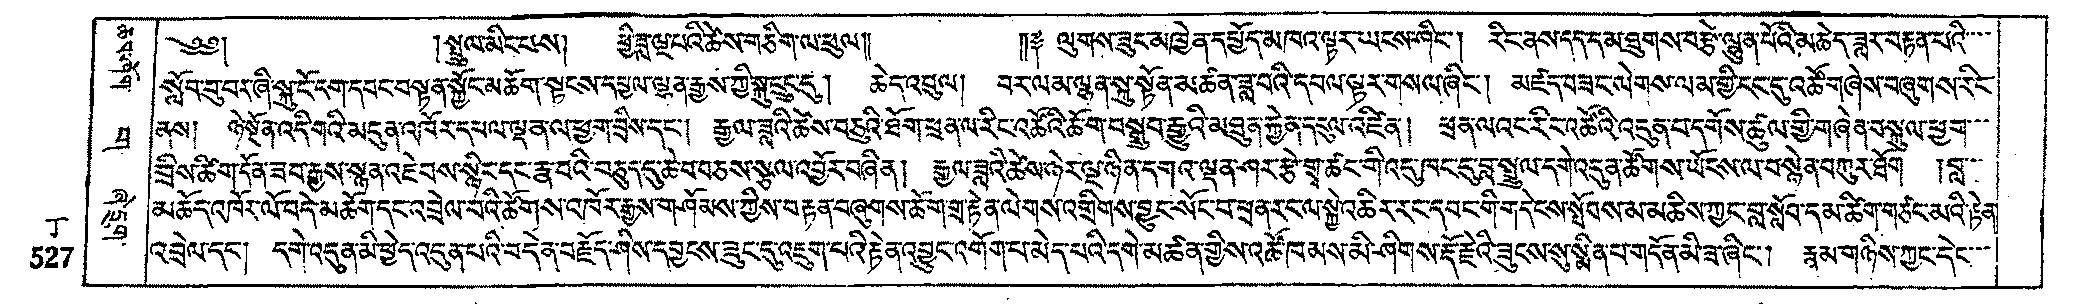༄༅། །སྤྲུལ་མིང་པས། ཕྱི་ཟླ་ལྔ་པའི་ཚེས་གཅིག་ལ་ཕུལ།། །། འ་ལུགས་ཟུང་མཁྱེན་དཔྱོད་མཁའ་ལྟར་ཡངས་ཤིང་། རིང་ནས་དད་དམ་ཐུགས་བརྩེ་ལྷུན་པོའི་མཆེད་ཟླར་བརྟན་པའི་་་
སློབ་བུ་བར་ཞི་སྐུ་ངོ་དག་དབང་བསྟན་སྐྱོང་མཆོག་སྟངས་དཔྱལ་ལྷན་རྒྱས་ཀྱི་སྐུ་དྲུང་དུ། ཆེད་འབུལ། བར་ལམ་ལྷན་སྐུ་སྟོན་མཚན་ཟླ་བའི་དཔལ་ལྟར་གསལ་ཞིང་། མཛད་བཟང་ལེགས་ལམ་གྱི་ངང་དུ་འཚོ་གཞེས་བཞུགས་རིང་
ནས། ཉེ་སྔོན་འདི་གའི་མདུན་འཁོར་དཔལ་ལྡན་ལ་ཕྱག་བྲིས་དང་། རྒྱལ་ཟླའི་ཚེས་བཅུའི་ཐོག་ཕྲན་ལ་རིང་འཚོའི་ཆོ་ག་བསྒྲུབ་རྒྱུའི་མཐུན་རྐྱེན་དངུལ་འཛིན། ཕྲན་ལའང་རིང་འཚོའི་འདུན་པ་དགོས་ཚུལ་གྱི་གཞེན་བསྐུལ་ཕྱག་་་
བྲིས་ཚིག་དོན་ཟབ་རྒྱས་སྙན་འཇེབས་སྙིང་དང་རྣ་བའི་བཅུད་དུ་ཆེ་བ་བཅས་སྩལ་འབྱོར་བཞིན། རྒྱལ་ཟླའི་ཚེས་ཉེར་ལྔ་ཉིན་དགའ་ལྡན་ཤར་རྩེ་གྲྭ་ཚང་གི་འདུ་ཁང་དུ་བླ་སྤྲུལ་དགེ་འདུན་ཚོགས་ཡོངས་ལ་བསྙེན་བཀུར་ཐོག །བླ་་་
མཆོད་འཁོར་ལོ་བདེ་མཆོག་དང་འབྲེལ་བའི་ཚོགས་འཁོར་རྒྱས་གཤོམས་ཀྱིས་བརྟན་བཞུགས་ཆོག་གྲ་རྟེན་ལེགས་འགྲིགས་བྱུང་སོང་བ་ཕྲན་རང་ལ་སྐྱེ་འཆིར་རང་དབང་གི་གདེངས་སྤོབས་མ་མཆིས་ཀྱང་བླ་སློབ་དམ་ཚིག་གཙང་མའི་རྟེན་
འབྲེལ་དང་། དགེ་འདུན་མི་ཕྱེད་འདུན་པའི་བདེན་བརྗོད་ཤིས་དབྱངས་ཟུང་དུ་འཇུག་པའི་རྟེན་འབྱུང་འགོག་པ་མེད་པའི་དགེ་མཚན་གྱིས་འཚོ་ཁམས་མི་ཤིགས་རྡོ་རྗེའི་ཟུངས་སུ་སྨིན་པ་གདོན་མི་ཟ་ཞིང་། རྣམ་གཉིས་ཀྱང་དེང་་་